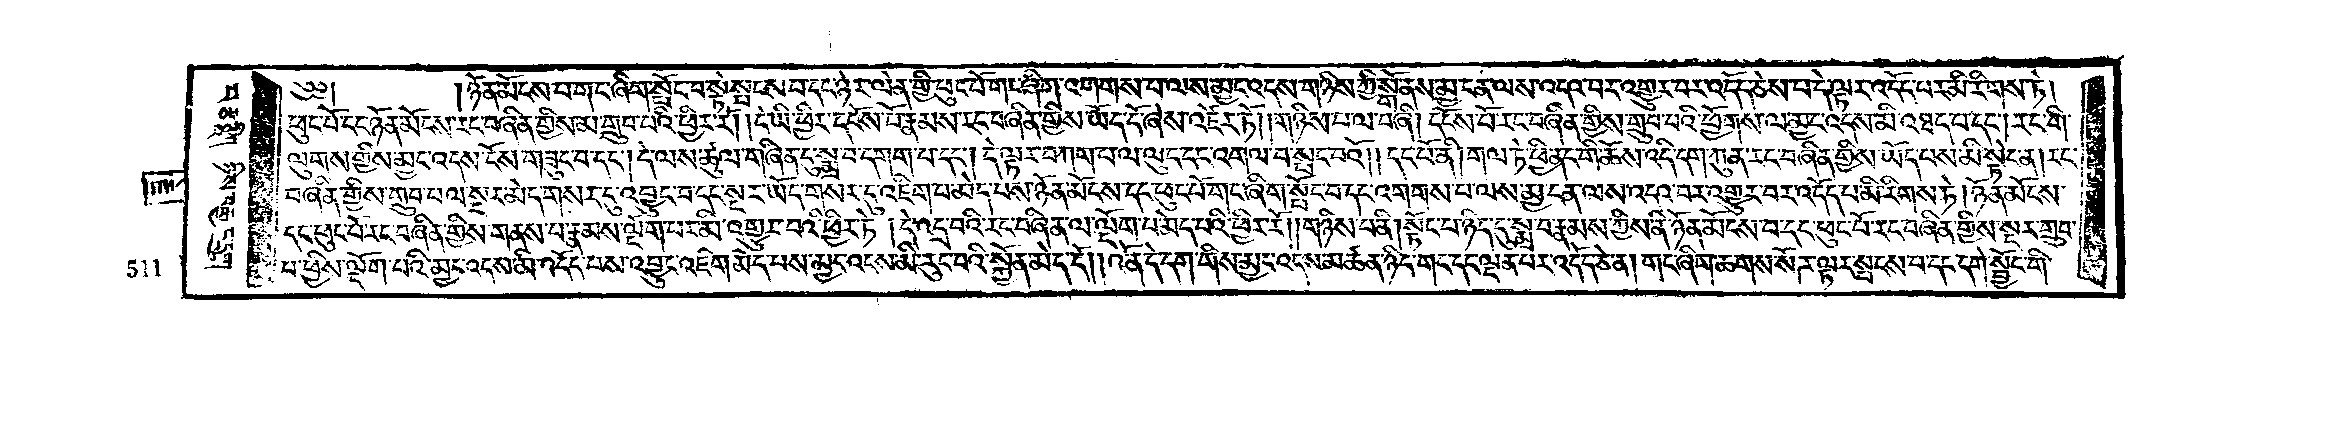༄༅། །ཉོན་མོངས་བ་གང་ཞིག་སྤང་བ་སྟེ་སྤངས་པ་དང་ཉེར་ལེན་གྱི་ཕུང་པོ་གང་ཞིག་འགགས་པ་ལས་མྱང་འདས་གཉིས་ཀྱིས་གོ་ནས་མྱ་ངན་ལས་འདའ་བར་འགྱུར་བར་འདོད་ཅེས་པ་དེ་ལྟར་འདོད་པར་མི་རིགས་ཏེ།
ཕུང་པོ་དང་ཉོན་མོངས་རང་བཞིན་གྱིས་མ་གྲུབ་པའི་ཕྱིར་རོ། །དེ་ཡི་ཕྱིར་དངོས་པོ་རྣམས་རང་བཞིན་གྱིས་ཡོད་དོ་ཞེས་འཛེར་ཏོ། །གཉིས་པ་ལ་བཞི། དངོས་པོ་རང་བཞིན་གྱིས་གྲུབ་པའི་ཕྱོགས་ལ་མྱང་འདས་མི་འཐད་པ་དང་། རང་གི་
ལུགས་གྱིས་མྱང་འདས་ངོས་གཟུང་བ་དང་། དེ་ལས་ཚུལ་གཞིན་དུ་སྨྲ་བ་དགག་པ་དང་། དེ་ལྟར་བཀག་པ་ལ་ལུང་དང་འགལ་བ་སྤང་བའོ། །དང་པོ་ནི། གལ་ཏེ་ཕྱི་ནང་གི་ཆོས་འདི་དག་ཀུན་རང་བཞིན་གྱིས་ཡོད་པས་མི་སྟོང་ན། རང་
བཞིན་གྱིས་གྲུབ་པ་ལ་སྔར་མེད་གསར་དུ་འབྱུང་བ་དང་སྔར་ཡོད་གསར་དུ་འཇིག་པ་མེད་པས་ཉོན་མོངས་དང་ཕུང་པོ་གང་ཞིག་སྤོང་པ་དང་འགགས་པ་ལས་མྱ་ངན་ལས་འདའ་བར་འགྱུར་བར་འདོད་པ་མི་རིགས་ཏེ། ཉོན་མོངས་
དང་ཕུང་པོ་རང་བཞིན་གྱིས་གནས་པ་རྣམས་ལྡོག་པར་མི་འགྱུར་བའི་ཕྱིར་ཏེ། དེ་འདྲ་བའི་རང་བཞིན་ལ་ལྡོག་པ་མེད་པའི་ཕྱིར་རོ། །གཉིས་པ་ནི། སྟོང་པ་ཉིད་དུ་སྨྲ་བ་རྣམས་ཀྱིས་ནི་ཉོན་མོངས་པ་དང་ཕུང་པོ་རང་བཞིན་གྱིས་སྔར་གྲུབ་
པ་ཕྱིས་ལྡོག་པའི་མྱང་འདས་མི་འདོད་པས་འབྱུང་འཇིག་མེད་པས་མྱང་འདས་མི་རུང་བའི་སྐྱོན་མེད་དོ། །འོ་ན་དེ་དག་གིས་མྱང་འདས་མཚན་ཉིད་གང་དང་ལྡན་པར་འདོད་ཅེ་ན། གང་ཞིག་ཆགས་སོཌ་ལྟར་སྤང་པ་དང་དགེ་སྦྱོང་གི་